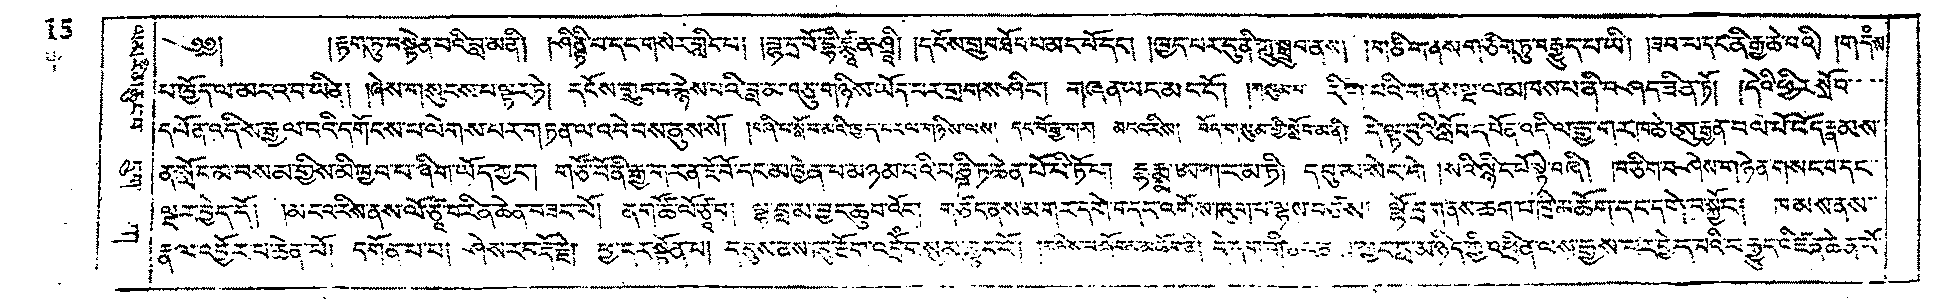༄༅། །རྟག་ཏུ་བསྟེན་པའི་བླ་མ་ནི། །ཤིནྟི་པ་དང་གསེར་གླིང་པ། །བྷ་དྲ་བོ་དྷི་ཛྙཱ་ན་ཤྲཱི། །དངོས་གྲུབ་ཐོབ་པ་མང་པོ་དང་། །ཁྱད་པར་དུ་ནི་ཀླུ་སྒྲུབ་ནས། །གཅིག་ནས་གཅིག་ཏུ་བརྒྱུད་པ་ཡི། །ཟབ་པ་དང་ནི་རྒྱ་ཆེ་བའི། །གདཾས་
པ་ཁྱོད་ལ་མངའ་བ་ཡིན། །ཞེས་གསུངས་པ་ལྟར་ཏེ། དངོས་གྲུབ་བརྙེས་པའི་བླ་མ་བཅུ་གཉིས་ཡོད་པར་གྲགས་ཤིང་། གཞན་ཡང་མང་ངོ། ། གསུམ་པ་རིག་པའི་གནས་ལྔ་ལ་མཁས་པ་ནི་བཤད་ཟིན་ཏོ། །དེའི་ཕྱིར་སྲོབ་
དཔོན་འདིས་རྒྱལ་བའི་དགོངས་པ་ལེགས་པར་གཏན་ལ་འབེབས་ནུས་སོ། ། བཞི་པ་སློབ་མའི་ཁྱད་པར་ལ་གཉིས་ལས། དང་པོ་རྒྱ་གར། མངའ་རིས། བོད་གསུམ་གྱི་སློབ་མ་ནི། དེ་ལྟ་བུའི་སློབ་དཔོན་འདི་ལ་རྒྱ་གར་ཁ་ཆེ་ཨུ་རྒྱན་བལ་པོ་ངོད་རྣམས་
ན་སློབ་མ་བསམ་གྱིས་མི་ཁྱབ་པ་ཞིག་ཡོད་ཀྱང་། གཙོ་བོ་ནི་རྒྱ་གར་ན་ཇོ་བོ་དང་མཁྱེན་པ་མཉམ་པའི་པཎྜི་ཏ་ཆེན་པོ་པི་ཏོ་པ། དྷརྨྨ་ཨ་ཀ་ར་མ་ཏི། དབུ་མ་སེང་གེ། སའི་སྙིང་པོ་སྟེ་བཞི། ཁ་ཅིག་བཤེས་གཉེན་གསང་བ་དང་
ལྔར་བྱེད་དོ། །མངའ་རིས་ནས་ལོ་ཙཱ་བ་རིན་ཆེན་བཟང་པོ། ནག་ཚོ་ལོ་ཙཱ་བ། ལྷ་བླ་མ་བྱང་ཆུབ་འོད། གཙང་ནས་མ་གར་དགེ་བ་དང་འགོས་ཁུག་པ་ལྷས་བཙས། ལྷོ་བྲག་ནས་ཆག་པ་ཁྲི་མཆོག་དང་དགེ་བ་སྐྱོང་། ཁམས་ནས་
རྣལ་འབྱོར་པ་ཆེན་པོ། དགོན་པ་པ། ཤེས་རབ་རྡོ་རྗེ། ཕྱ་དར་སྟོན་པ། དབུས་ནས་ཁུ་རྔོག་འབྲོཾ་གསུམ་བྱུང་ངོ། ། གཉིས་པ་སློབ་མ་མཆོག་ནི། དེ་དག་གི་ནང་ནས་ཀྱང་བླ་མ་ཉིད་ཀྱི་འཕྲིན་ལས་རྒྱས་པར་བྱེད་པའི་བརྒྱུད་འཛིན་ཆེན་པོ་